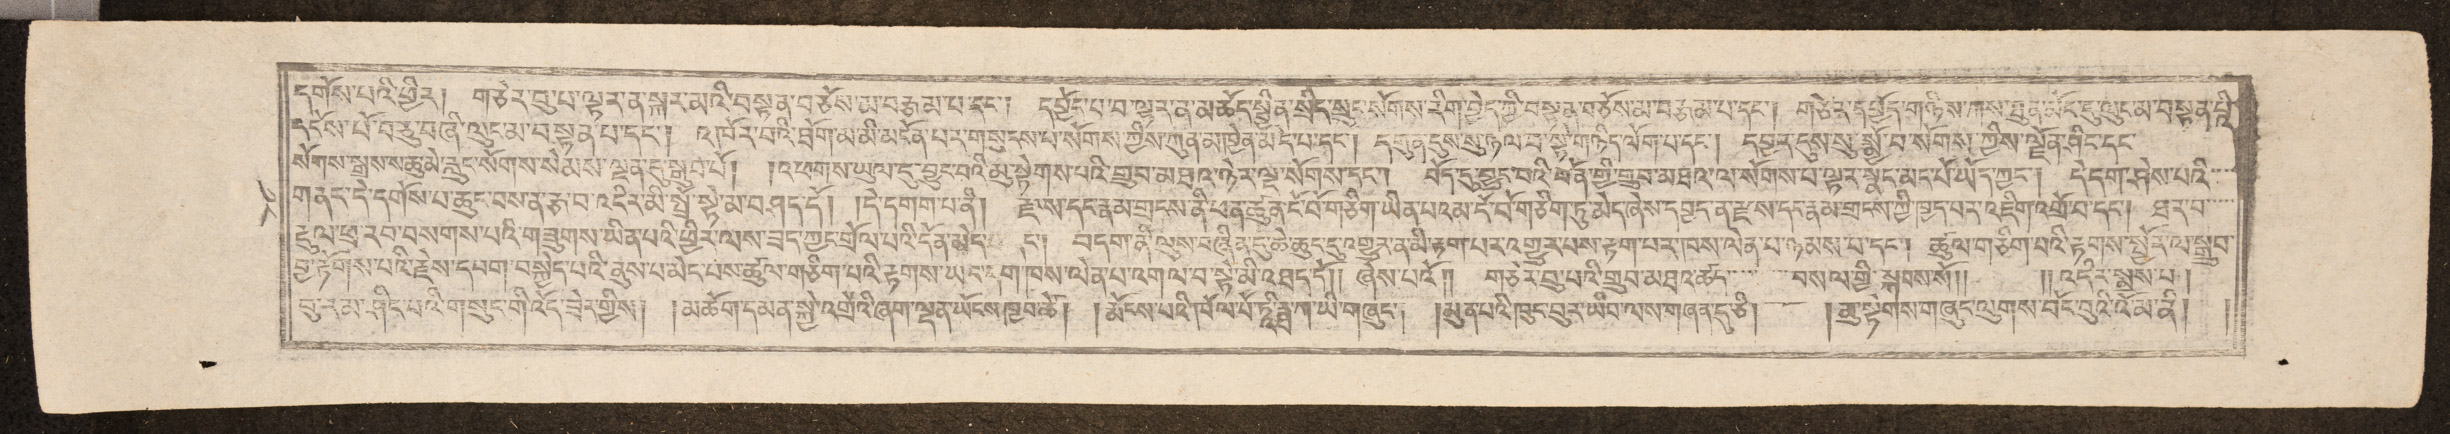དགོས་པའི་ཕྱིར། གཅེར་བུ་པ་ལྟར་ན་སྐར་མའི་བསྟན་བཅོས་མ་བརྩམ་པ་དང་། དབྱོད་པ་བ་ལྟར་ན་མཆོད་སྦྱིན་སྲིད་སྲུང་སོགས་རིག་བྱེད་ཀྱི་བསྟན་བཅོས་མ་བརྩམ་པ་དང་། གཅེར་དཔྱོད་གཉིས་ཀས་ཐུན་མོང་དུ་ལུང་མ་བསྟན་པཱི་
དངོས་པོ་བཅུ་བཞི་ལུང་མ་བསྟན་པ་དང་། འཁོར་བའི་ཐོག་མ་མི་མངོན་པར་གསུངས་པ་སོགས་ཀྱིས་ཀུན་མཁྱེན་མེད་པ་དང་། དགུན་དུས་སུ་ཉལ་བ་སྟེ་གཉིད་ལོག་པ་དང་། དབྱར་དུས་སུ་སྨྱོ་བ་སོགས་ཀྱིས་ལྗོན་ཤིང་དང་
སོགས་སྒྲས་ས་ཆུ་མེ་རླུང་སོགས་སེམས་ལྡན་དུ་སྒྲུབ་པོ། །འཕགས་ཡུལ་དུ་བྱུང་བའི་མུ་སྟེགས་པའི་གྲུབ་མཐའ་ཉེར་ལྔ་སོགས་དང་། བོད་དུ་བྱུང་བའི་བོན་གྱི་གྲུབ་མཐའ་ལ་སོགས་པ་ལྟར་སྣང་མང་པོ་ཡོད་ཀྱང་། དེ་དག་ཤེས་པའི་
གནང་དེ་དགོས་པ་ཆུང་བས་ན་རྩ་བ་འདིར་མི་སྤྲོ་སྟེ་མ་བཤད་དོ། །དེ་དགག་པ་ནི། རྫས་དང་རྣམ་གྲངས་ནི་ཕན་ཚུན་ངོ་བོ་གཅིག་ཡིན་པའམ་ངོ་བོ་གཅིག་ཏུ་མེད་ཞེས་དབྱད་ན་རྫས་དང་རྣམ་གྲངས་ཀྱི་ཁྱད་པར་འཇིག་འགྲོ་བ་དང་། ཐར་བ་
རྡུལ་ཕྲ་རབ་བསགས་པའི་གཟུགས་ཡིན་པའི་ཕྱིར་ལས་ཟད་ཀྱང་གྲོལ་བའི་དོན་མེད་པ་དང་། བདག་ནི་ལུས་བཞིན་དུ་ཆེ་ཆུང་དུ་འགྱུར་ན་མི་རྟག་པར་འགྱུར་པས་རྟག་པར་ཁས་ལེན་པ་ཉམས་པ་དང་། ཚུལ་གཅིག་པའི་རྟགས་སྦྱོར་ལ་སྒྲུབ་
བྱ་རྟོགས་པའི་རྗེས་དཔག་བསྐྱེད་པའི་ནུས་པ་མེད་པས་ཚུལ་གཅིག་པའི་རྟགས་ཡང་དག་ཁས་ལེན་པ་འགལ་བ་སྟེ་མི་འཐད་དོ།། ཞེས་པའོ།། གཅེར་བུ་པའི་གྲུབ་མཐའ་ཚད་བསལ་གྱི་སྐབས་སོ།། །།འདིར་སྨྲས་པ།
བུ་རམ་ཤིང་པའི་གསུང་གི་འོད་ཟེར་གྱིས། །མཆོག་དམན་སྐྱེ་འགྲོའི་ཞག་ལྡན་ཡོངས་ཁྱབ་ཚེ། །རྨོངས་པའི་ཁོལ་བོ་ཏཱི་རྠ་ཀ་ཡི་གཞུང་། །མུན་པའི་ཁུང་བུར་ཡིབ་ལས་གཞན་དུ་ཅི། །མུ་སྟེགས་གཞུང་ལུགས་བོང་བུའི་འོ་མ་ནི། །